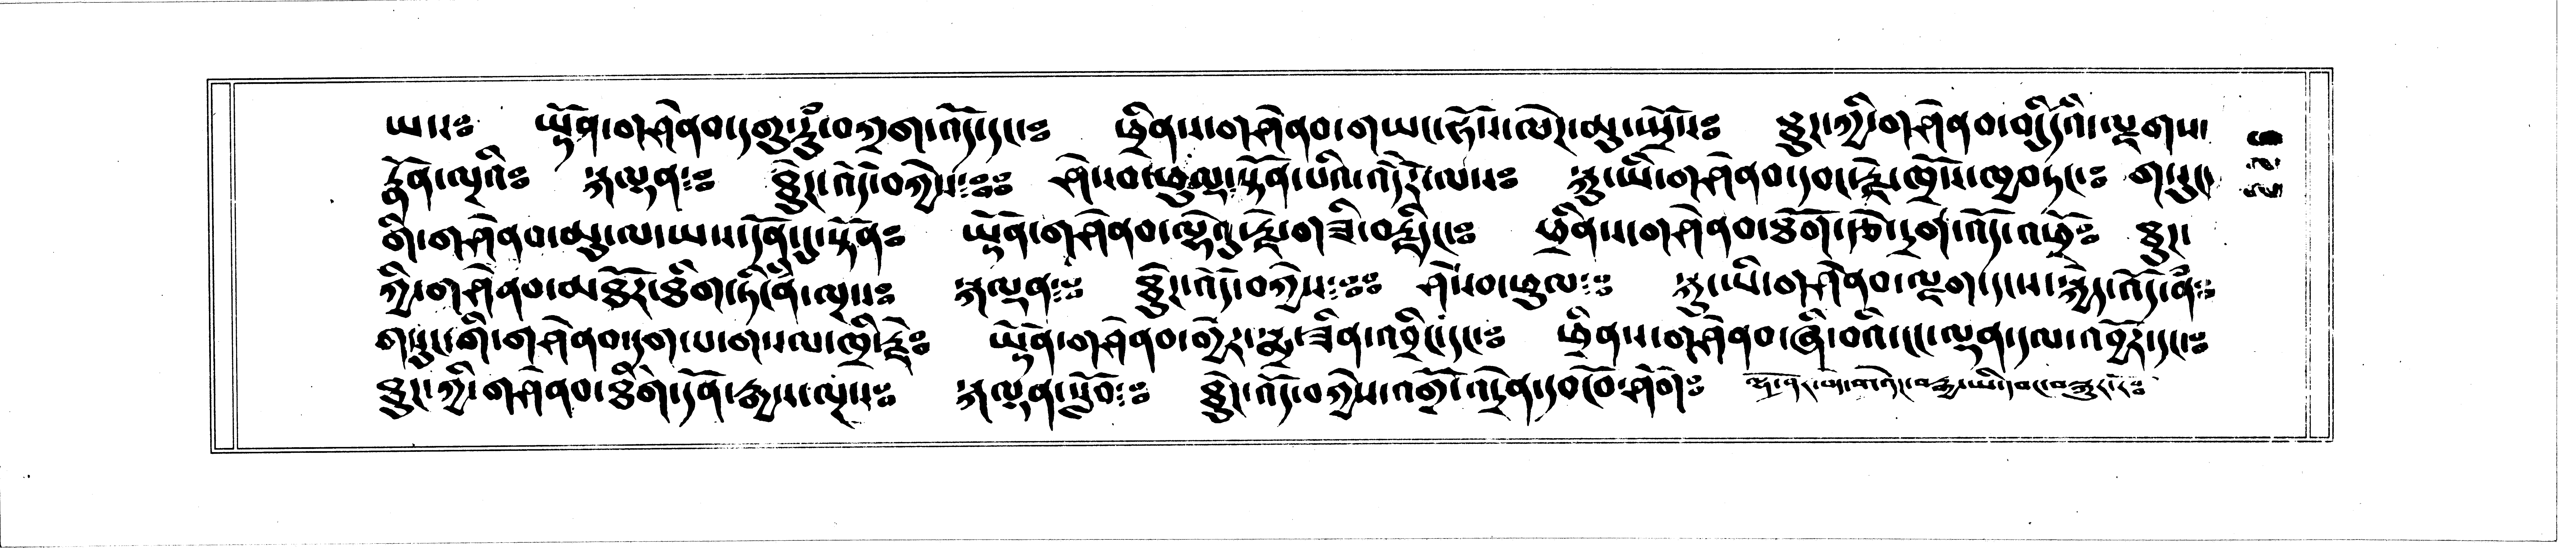ཡསཿ ཡོན་ཏན་གྱི་གཤེན་རབ་དགུང་རུམ་བཀྲག་འོད་དངཿ ཕྲིན་ལས་ཀྱི་གཤེན་རབ གཡང་ཧོས་ལེགས་མུ་སྤྲོསཿ ཐུགས་ཀྱི་གཤེན་རབ་བདུད་རྩི་ལྗགས་
རྣོན་ལྔསཿ སྐལ་ལྡན་སློབ་མ་རྣམས་ལ་དབང་བསྐུར་བསཿ ཐུགས་རྗེ་འོད་བཀྱེས་འགྲོ་འདྲེན་དབང་ཐོབ་ཤོགཿ ཤེས་རབ་ཕུལ་ལྡན་སྟོན་པའི་འོད་ཟེར་ལསཿ སྐུ་ཡི་གཤེན་རབ་དབང་རྗེ་ཁྲོ་ཁྱབ་བཏངཿ གསུང་
གི་གཤེན་རབ་མུ་ལ་ཡས་དོན་དུ་སྡུདཿ ཡོན་ཏན་གྱི་གཤེན་རབ་ལྷེའུ་རྗེ་གཟི་བརྗིདཿ ཕྲིན་ལས་གཤེན་རབ་ཐོག་རྩེ་དྲག་འོད་འཕྲོཿ ཐུགས་
ཀྱི་གཤེན་རབ་མཐོར་ཐིག་ཏིང་འཛིན་ལྔསཿ སྐལ་ལྡན་སློབ་མ་རྣམས་ལ་དབང་བསྐུར་བསཿ ཐུགས་རྗེ་འོད་བཀྱེས་འགྲོ་འདྲེན་དབང་ཐོབ་ཤོགཿ ཤེས་རབ་ཕུལ་ལྡན་སྟོན་པའི་འོད་ཟེར་ལསཿ སྐུ་ཡི་གཤེན་རབ་ལྗགས་དང་སྐྱེད་ནམཿ 
གསུང་གི་གཤེན་རབ་དག་པ་གསལ་ཁྲི་རྗེཿ ཡོན་ཏན་གཤེན་རབ་གྱེར་སྨ་ཟིལ་འབྲེང་དངཿ ཕྲིན་ལས་ཀྱི་གཤེན་རབ་ཞི་བའི་ངང་ལྡན་དལ་འབྱོར་དངཿ 
ཐུགས་ཀྱི་གཤེན་རབ་ཐིག་ལེ་དོན་རྒྱས་ལྔསཿ སྐལ་ལྡན་སློབ་མ་རྣམས་ལ་དབང་བསྐུར་བསཿ ཐུགས་རྗེ་འོད་བཀྱེས་འགྲོ་འདྲེན་དབང་ཐོབ་ཤོགཿ ལྷོ་ཤར་བདེར་གཤེགས་བརྒྱ་ཡི་དབང་བསྐུར་རོཿ